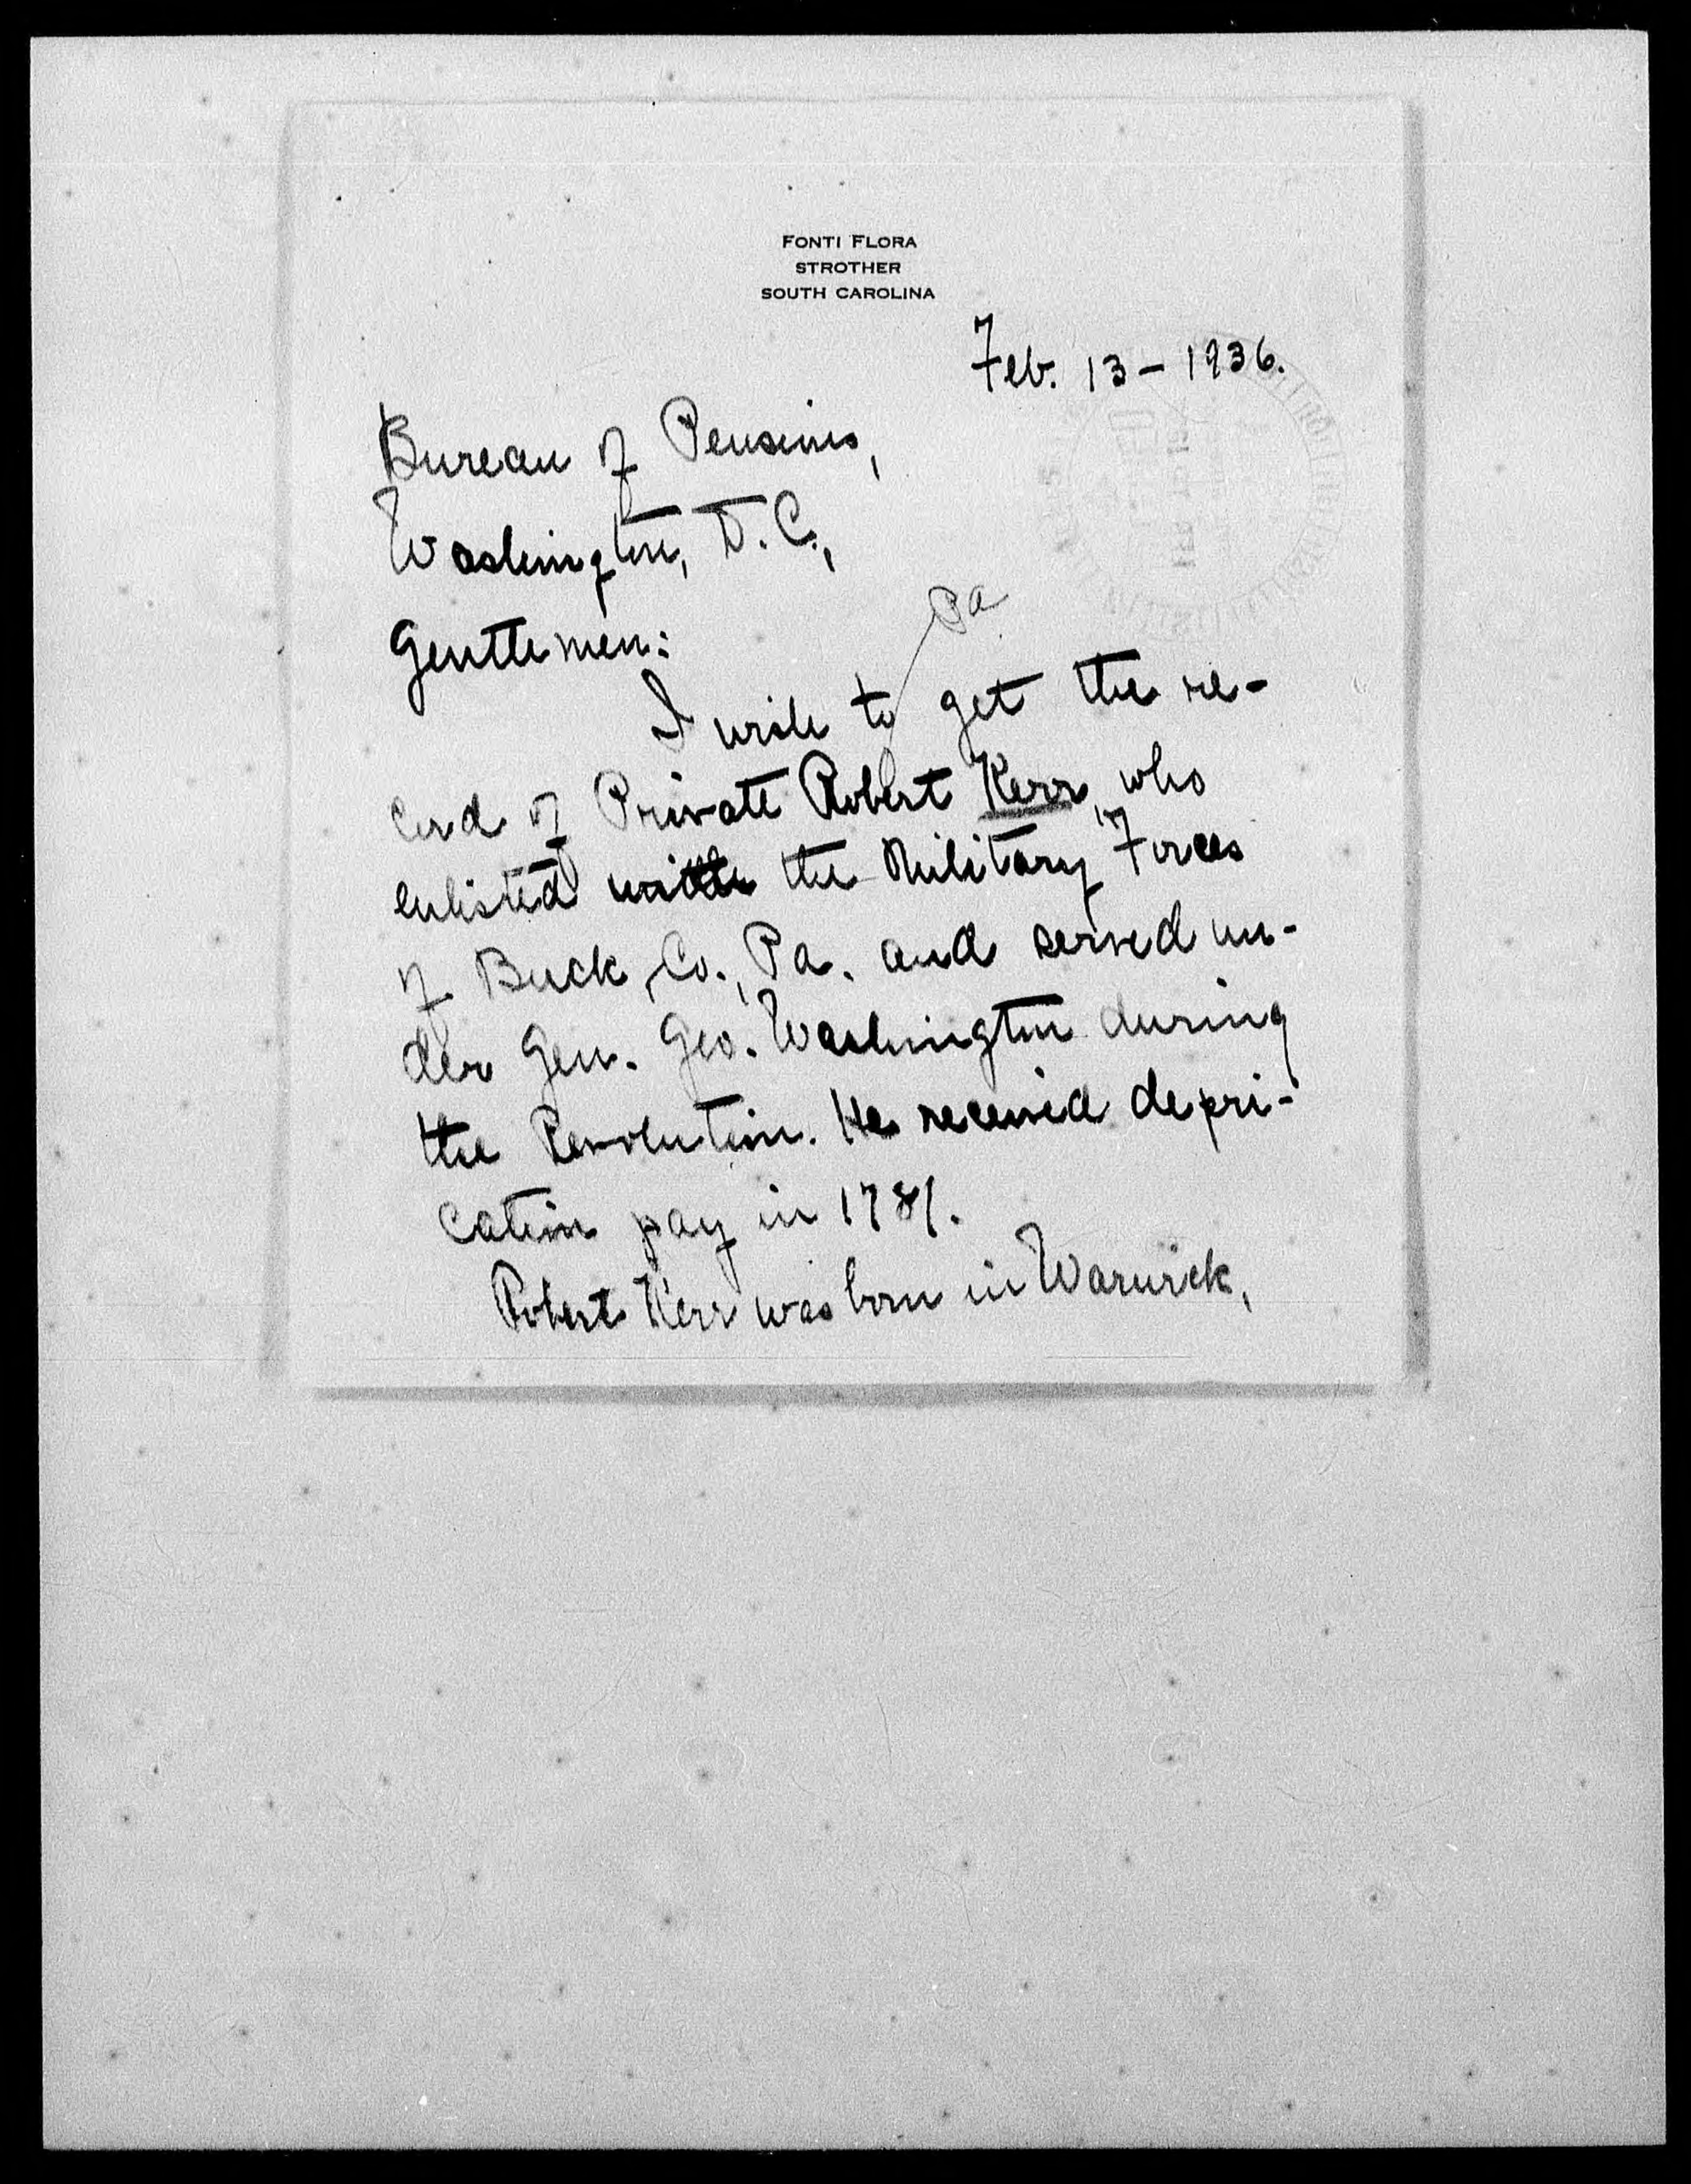Fonti Flora 
Strother 
South Carolina [printed letterhead]

Feb. 13 - 1936
Bureau of Pensions Washington, D.C.

Gentlemen:
I write to get the record of Private Robert Kerr who enlisted with the Military Forces of Buck Co. Pa. and served under Gen. Geo. Washington during the Revolution.  He received deprivation pay in 1781.

Private Kerr was born in Warwick,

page: 3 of 6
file: for Joseph Kerr, North Carolina